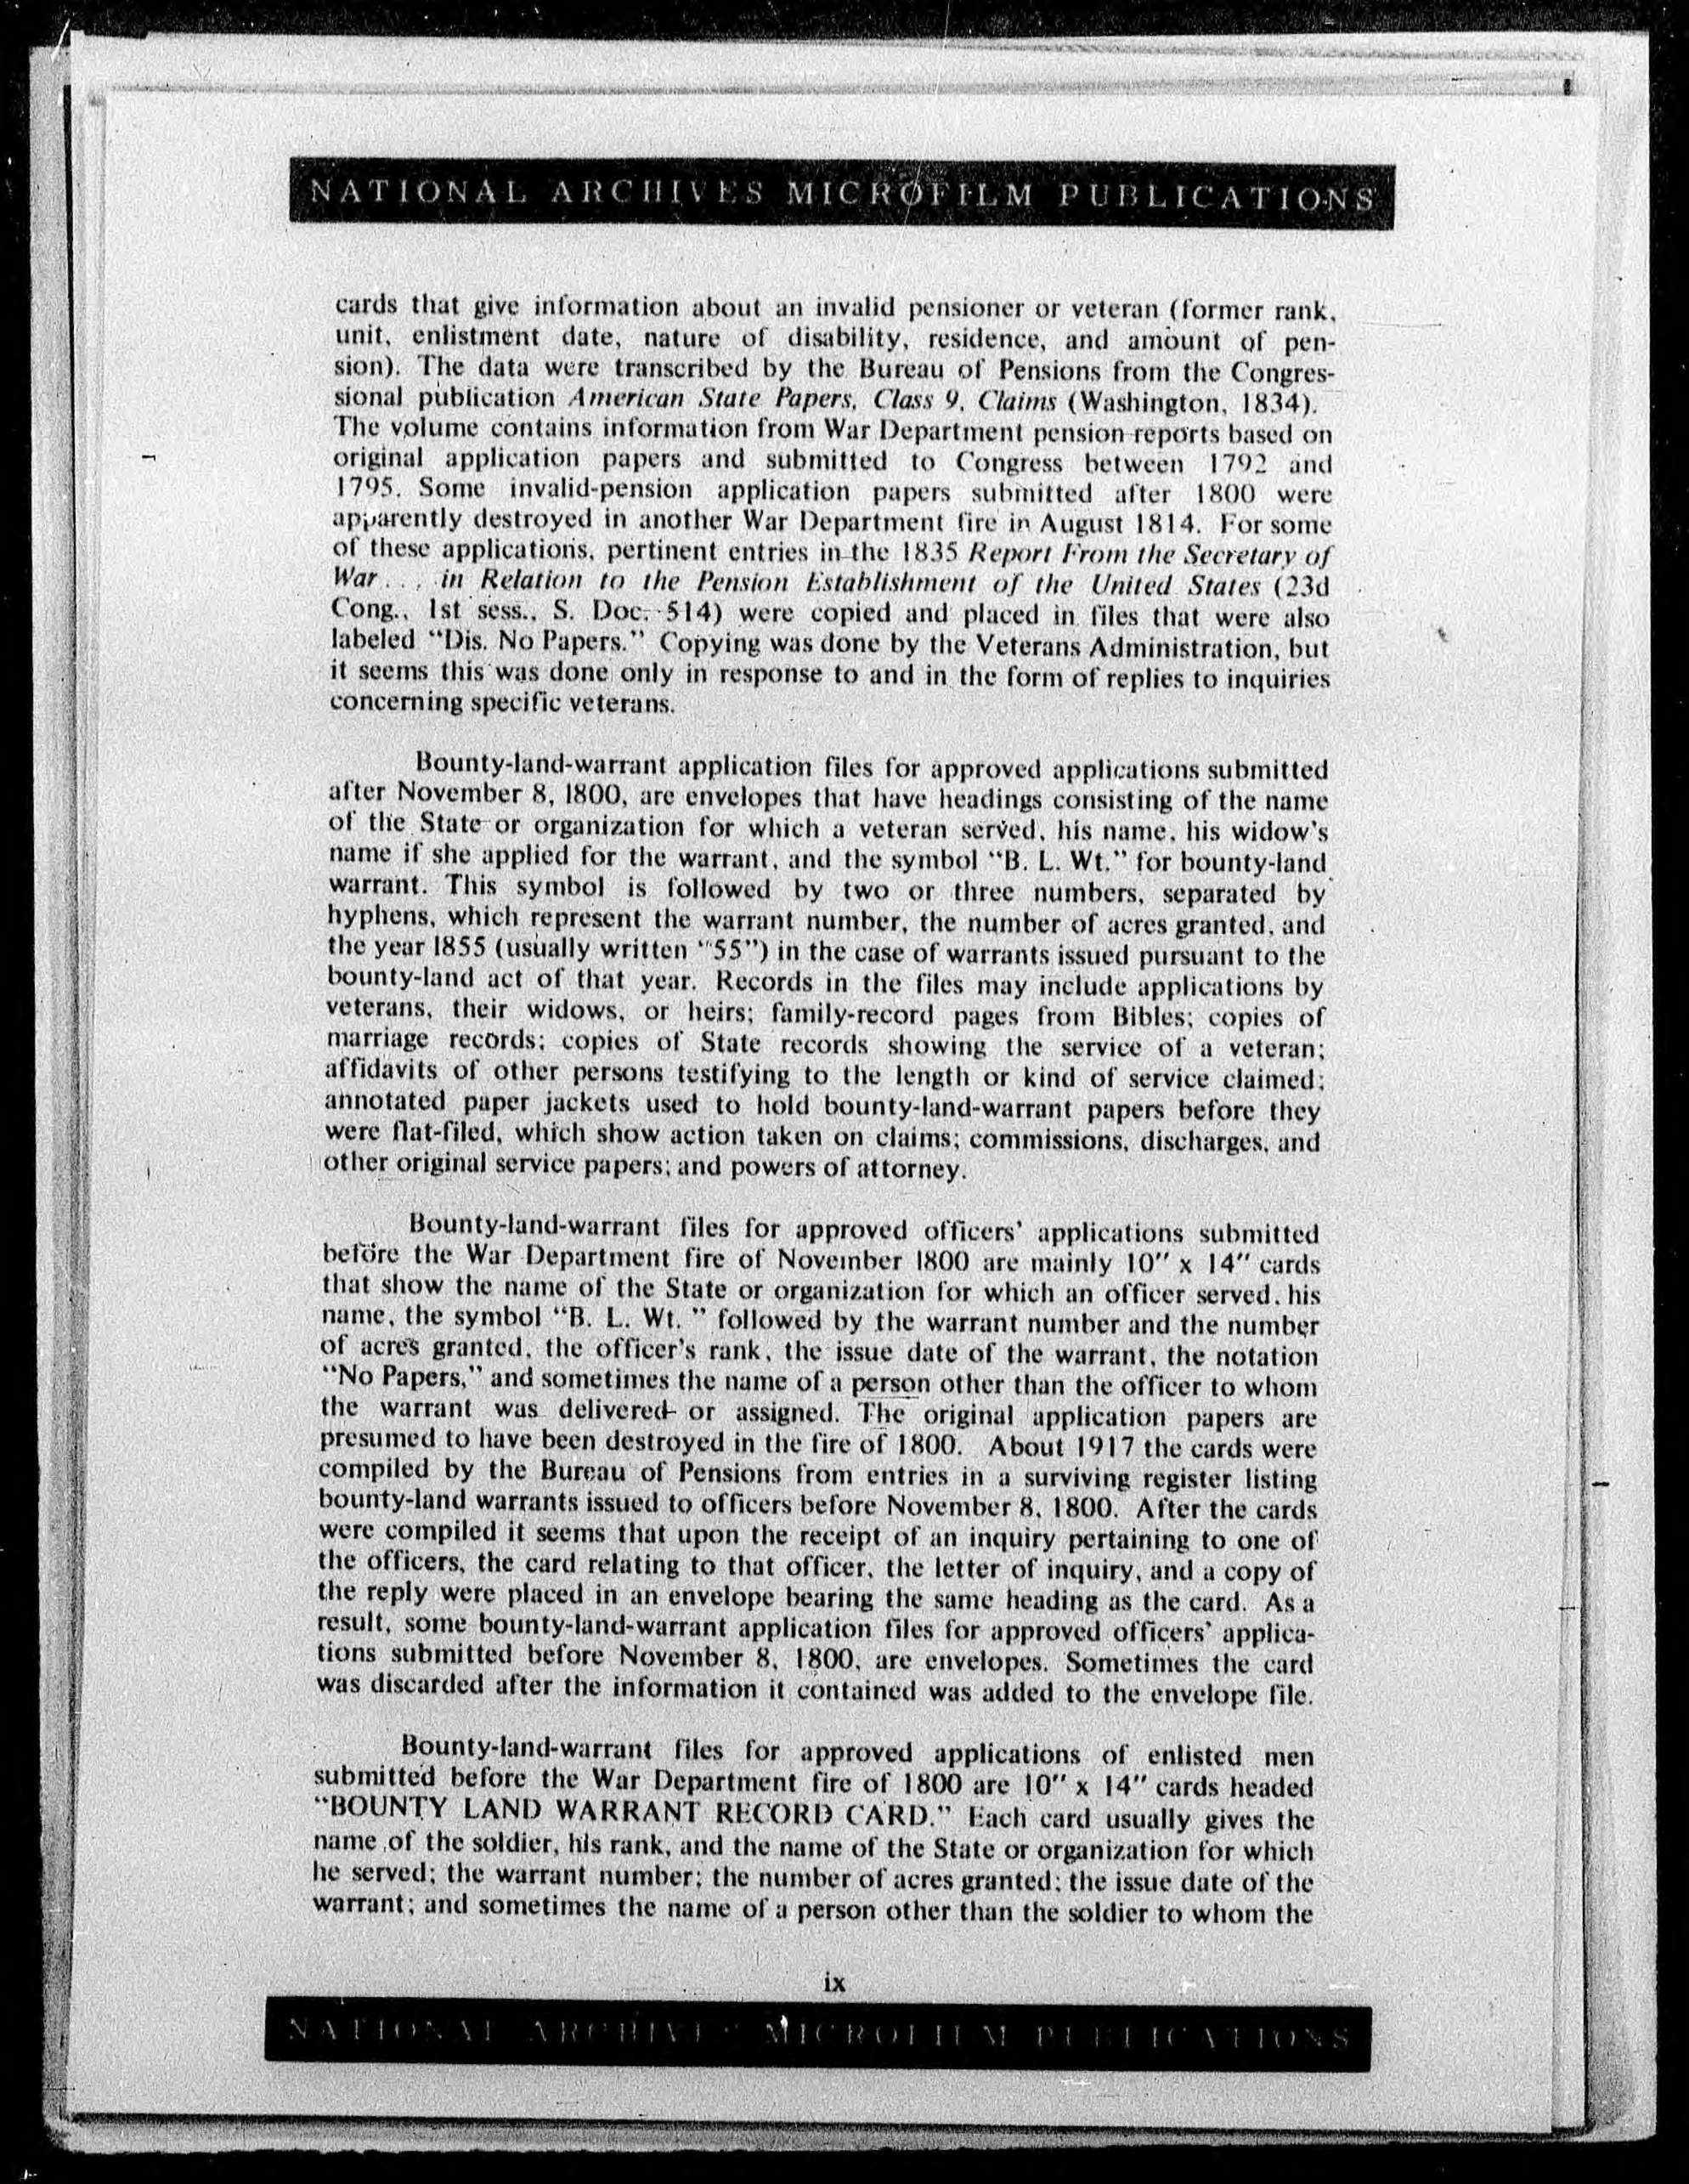cards that give information about an invalid pensioner or veteran (former rank, unit, enlistment date, nature of disability, residence, and amount of pension). The data were transcribed by the Bureau of Pension from the Congressional publication [italicized]'American State Papers, Class 9, Claims (Washington, 1834)'. The volume contains information from War Department pension reports based on original application papers and submitted to Congress between 1792 and 1795. Some invalid-pension application papers submitted after 1800 were apparently destroyed in another War Department fire in August 1814. For some of these applications, pertinent entries in the 1835 [italicized]'Report From the Secretary of War... in Relation to the Pension Establishment of the United States' (23rd Cong.. 1st sess. S. Doc. 514) were copied and placed in files that were also labeled "Dis. No Papers." Copying was done by the Veterans Administration, but it seems this was done only in response to and in the form of replies to inquires concerning specific veterans.
Bounty-land-warrant application files for approved applications submitted after November 8, 1800, are envelopes that have headings consisting of the name of the State or organization for which a veteran served, his name, his widow's name if she applied for the warrant, and the symbol "B. L. Wt." for bounty-land warrant. This symbol is followed by two or three numbers, separated by hyphens, which represent the warrant number, the number of acres granted, and the year 1855 (usually written "55") in the case of warrants issued pursuant to the bounty-land act of that year. Records in the files may include applications by veterans, their widows, or heirs; family-record pages from Bibles: copies of marriage records: copies of State records showing the service of a veteran: affidavits of other persons testifying to the length or kind of service claimed: annotated paper jackets used to hold bounty-land-warrant papers before they were flat-filed, which shows action taken on claims: commissions, discharges, and other original service papers: and powers of attorney.
Bounty-land-warrant files for approved officers' applications submitted before the War Department fire of November 1800 are mainly 10" x 14" cards that show the name of the State or organization for which an officer served, his name, the symbol "B. L. Wt." followed by the warrant number and the number of acres granted, the officer's rank, the issue date of the warrant, the notation "No Papers," and sometimes the name of a person other than the officer to whom the warrant was delivered or assigned. The original application papers are presumes to have been destroyed in the fire of 1800. About 1917 the cards were compiled by the Bureau of Pensions from entries in a surviving register listing bounty-land warrants issues to officers before November 9 8, 1800. After the cards were compiled it seems that upon the receipt of an inquiry pertaining to one of the officers, the card relating to that officer, the letter of inquiry, and a copy of the reply were placed in an envelope bearing the same heading as the card, As a result, some bounty-land-warrant application files for approved officers' applications submitted before November 8, 1800, are envelopes. Sometimes the card was discarded after the information it contained was added to the envelope.
Bounty-land-warrant files for approved applications of enlisted men submitted before the War Department fire of 1800 are 19" x 14" cards headed "BOUNTYLAND WARRANT RECORD CARD." Each card usually gives the name of the soldier, his rank, and the name of the State or organization for which he served: the warrant number: the number of acres granted: the issue date of the warrant: and sometimes the name of a person other than the soldier to whom the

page: 8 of 59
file: Revolutionary War Pension and Bounty Land Warrant Application File